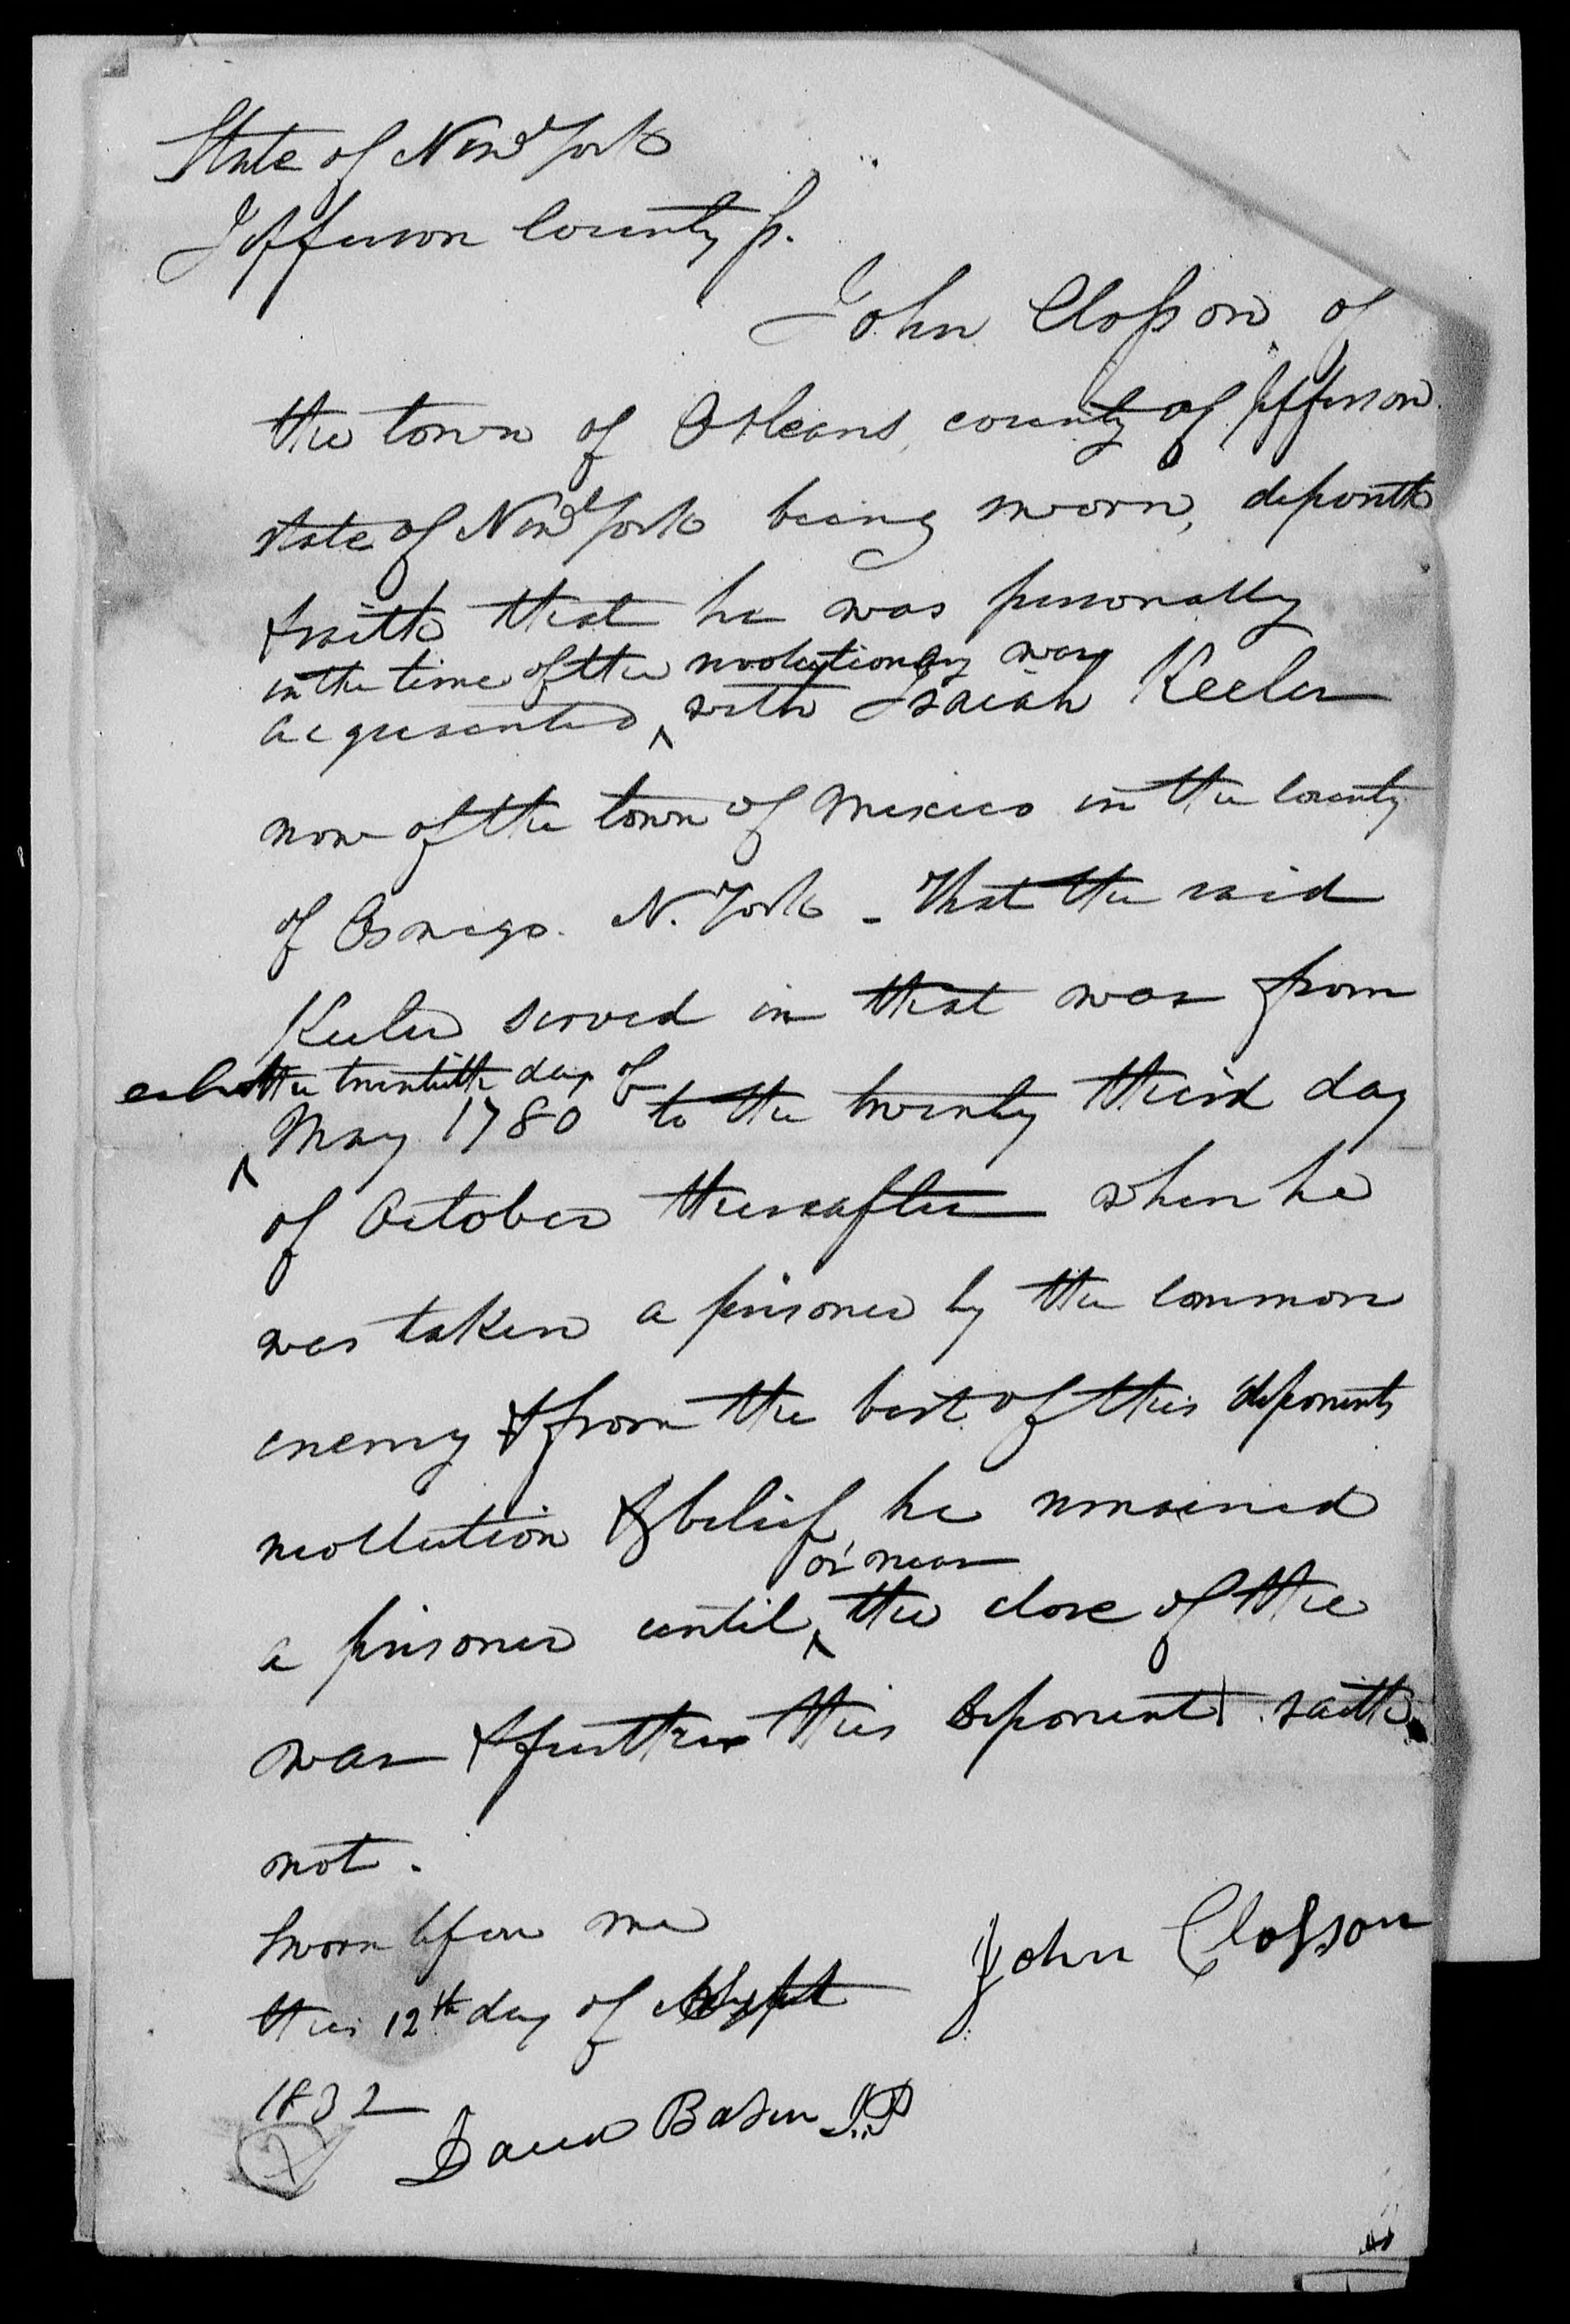State of New York
Jefferson County ss.
John Clossen of the town of Orleans county of Jefferson state of New York being sworn, deposeth & saith that he was personally acquainted in the time of the revolutionary war with Isaiah Keeler now of the town of Mexico in the county of Oswego N. York. That the said Keeler served in that war from the twentieth day of May 1780 to the twenty third day of October thereafter when he was taken a prisoner by the common enemy & from the best of this deponents recollection & belief he remained a prisoner until or near the close of the war & further deponent saith not.
[signed] John Clossen

Sworn before me
this 12th day of Sept 1832
[signed] David Baker J.P.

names: Isaiah Keeler; David Baker; John Closson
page: 4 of 26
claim: survivor's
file: S. 13,625, for Isaiah Keeler, New York